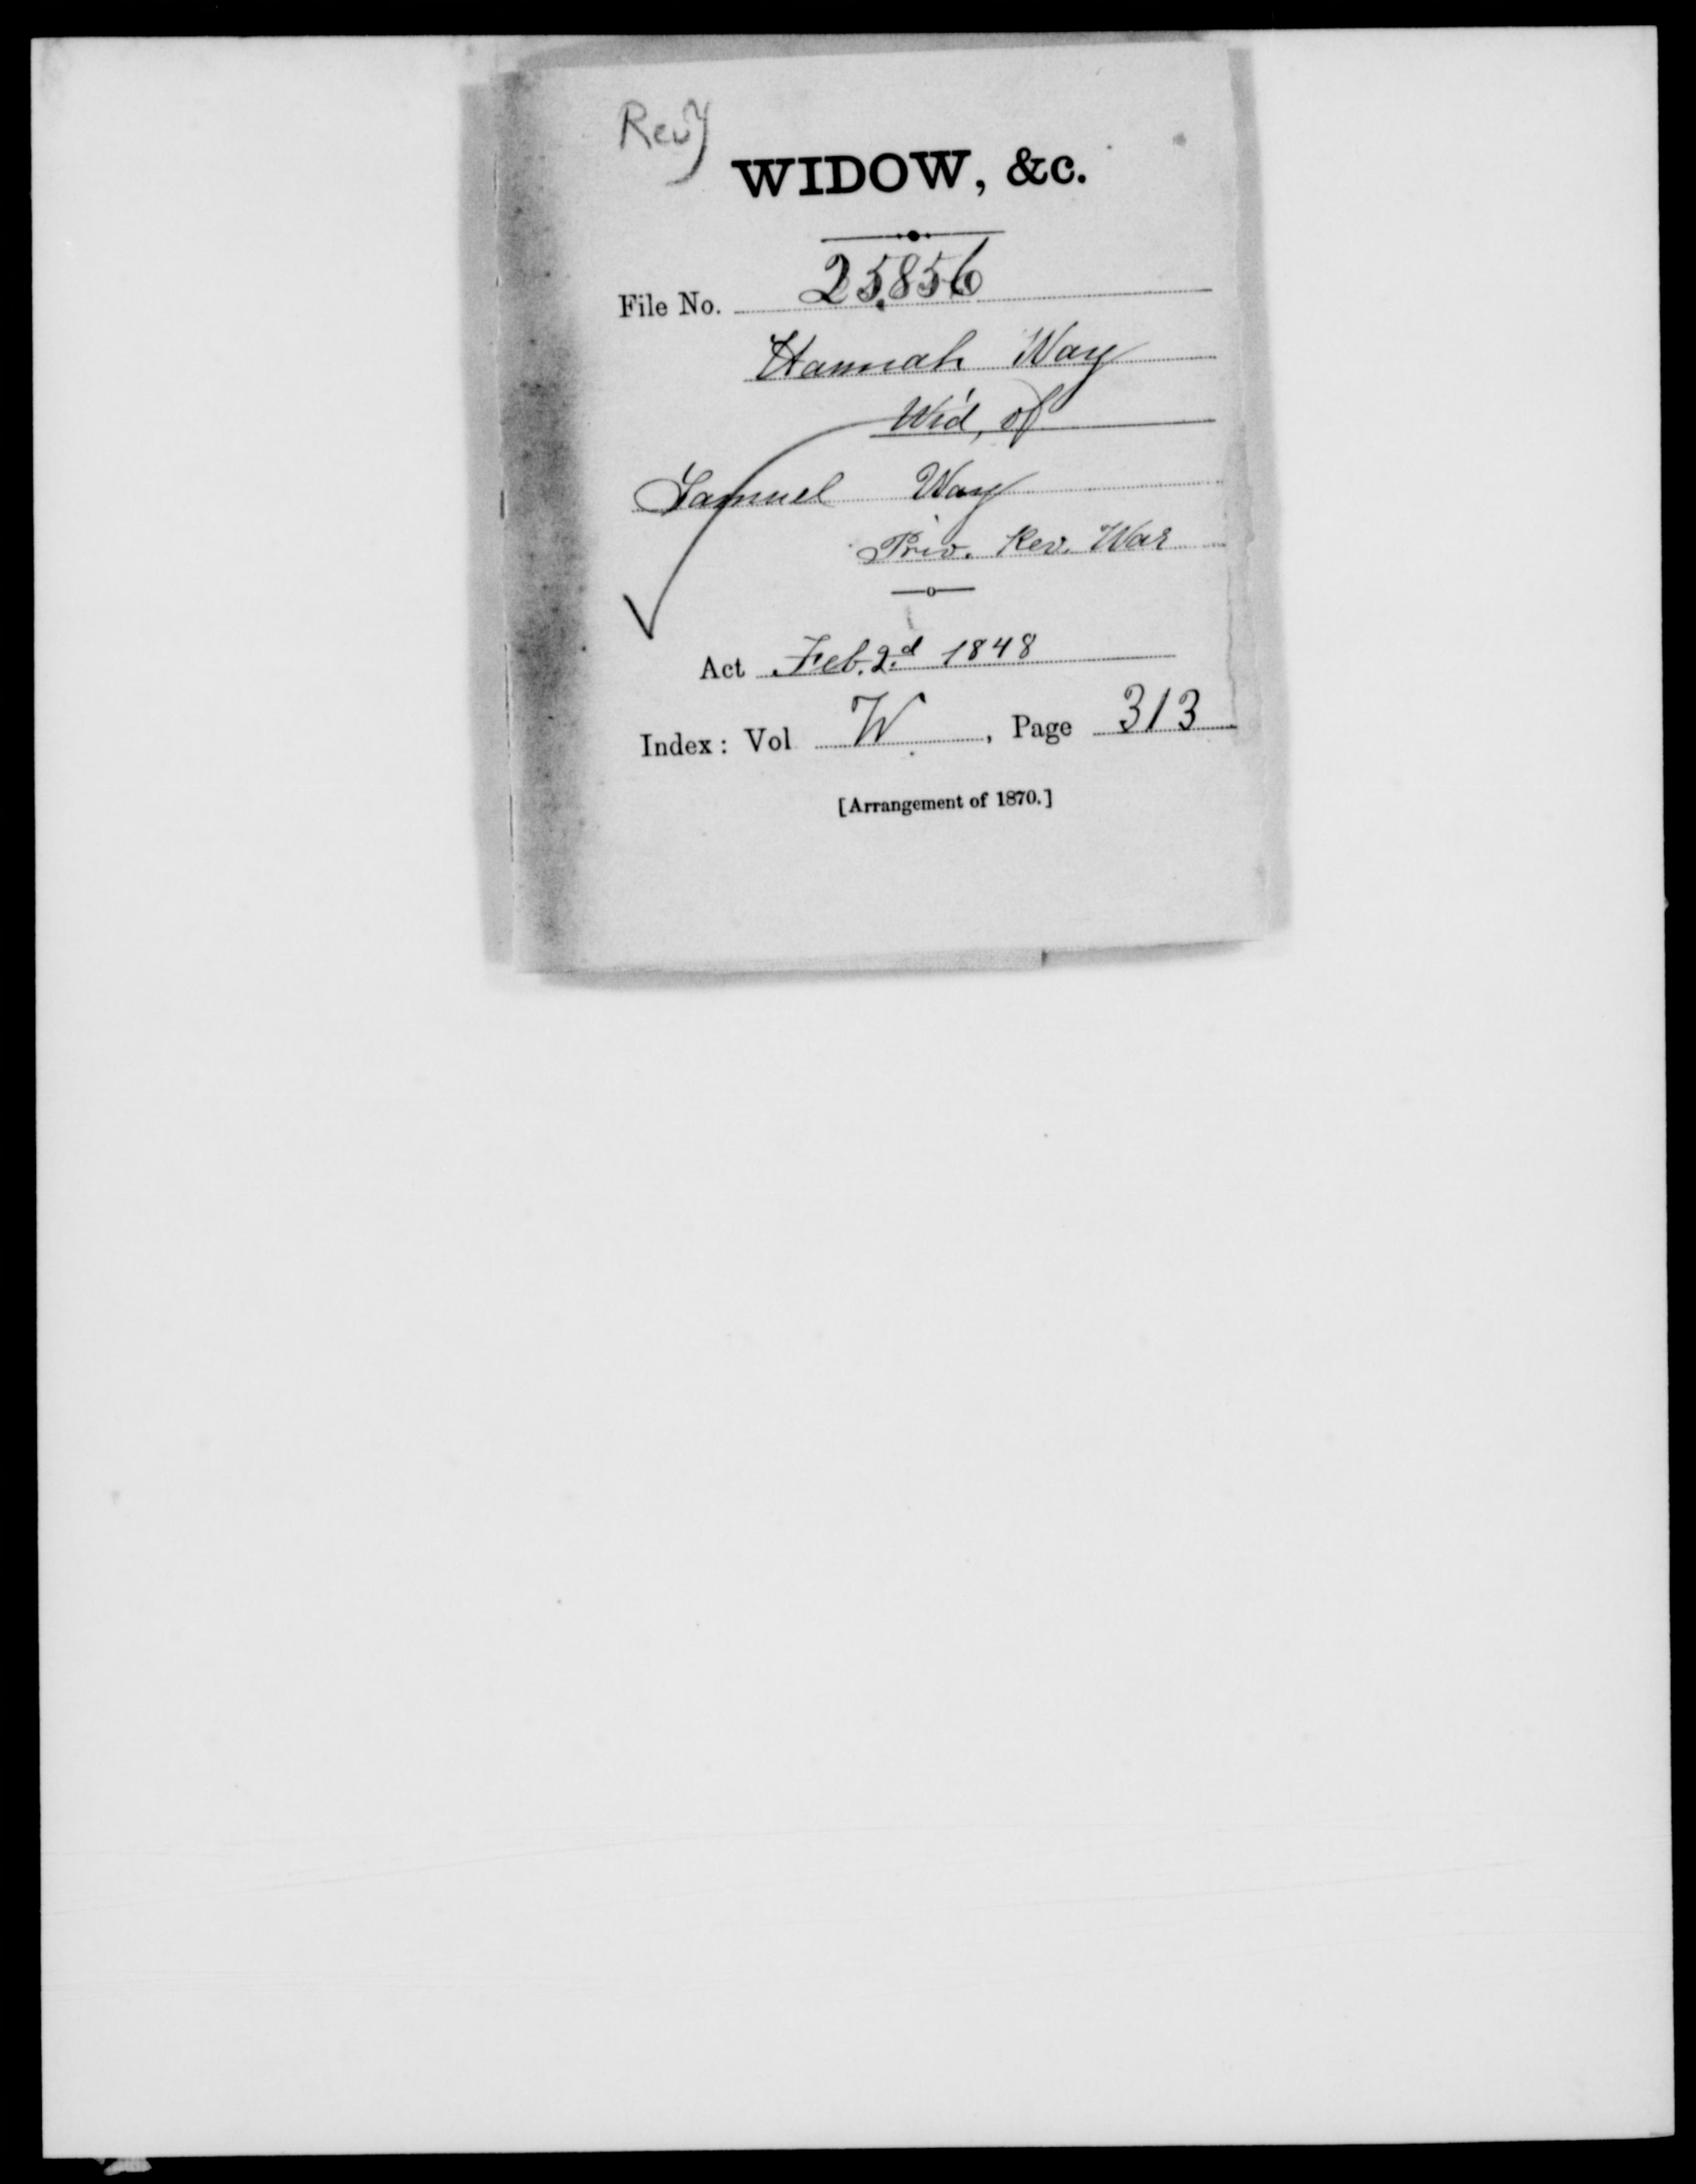Revy
WIDOW, &c.
File No. 25.856
Hannah Way
Wid, of
Samuel Way
Priv. Rev. War
Act Feb. 2d 1848
Index: Vol. W, Page 313
[Arrangement of 1870.]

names: Samuel Way, Hannah Way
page: 73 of 78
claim: widow's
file: W. 25856, Samuel Way, N.H.